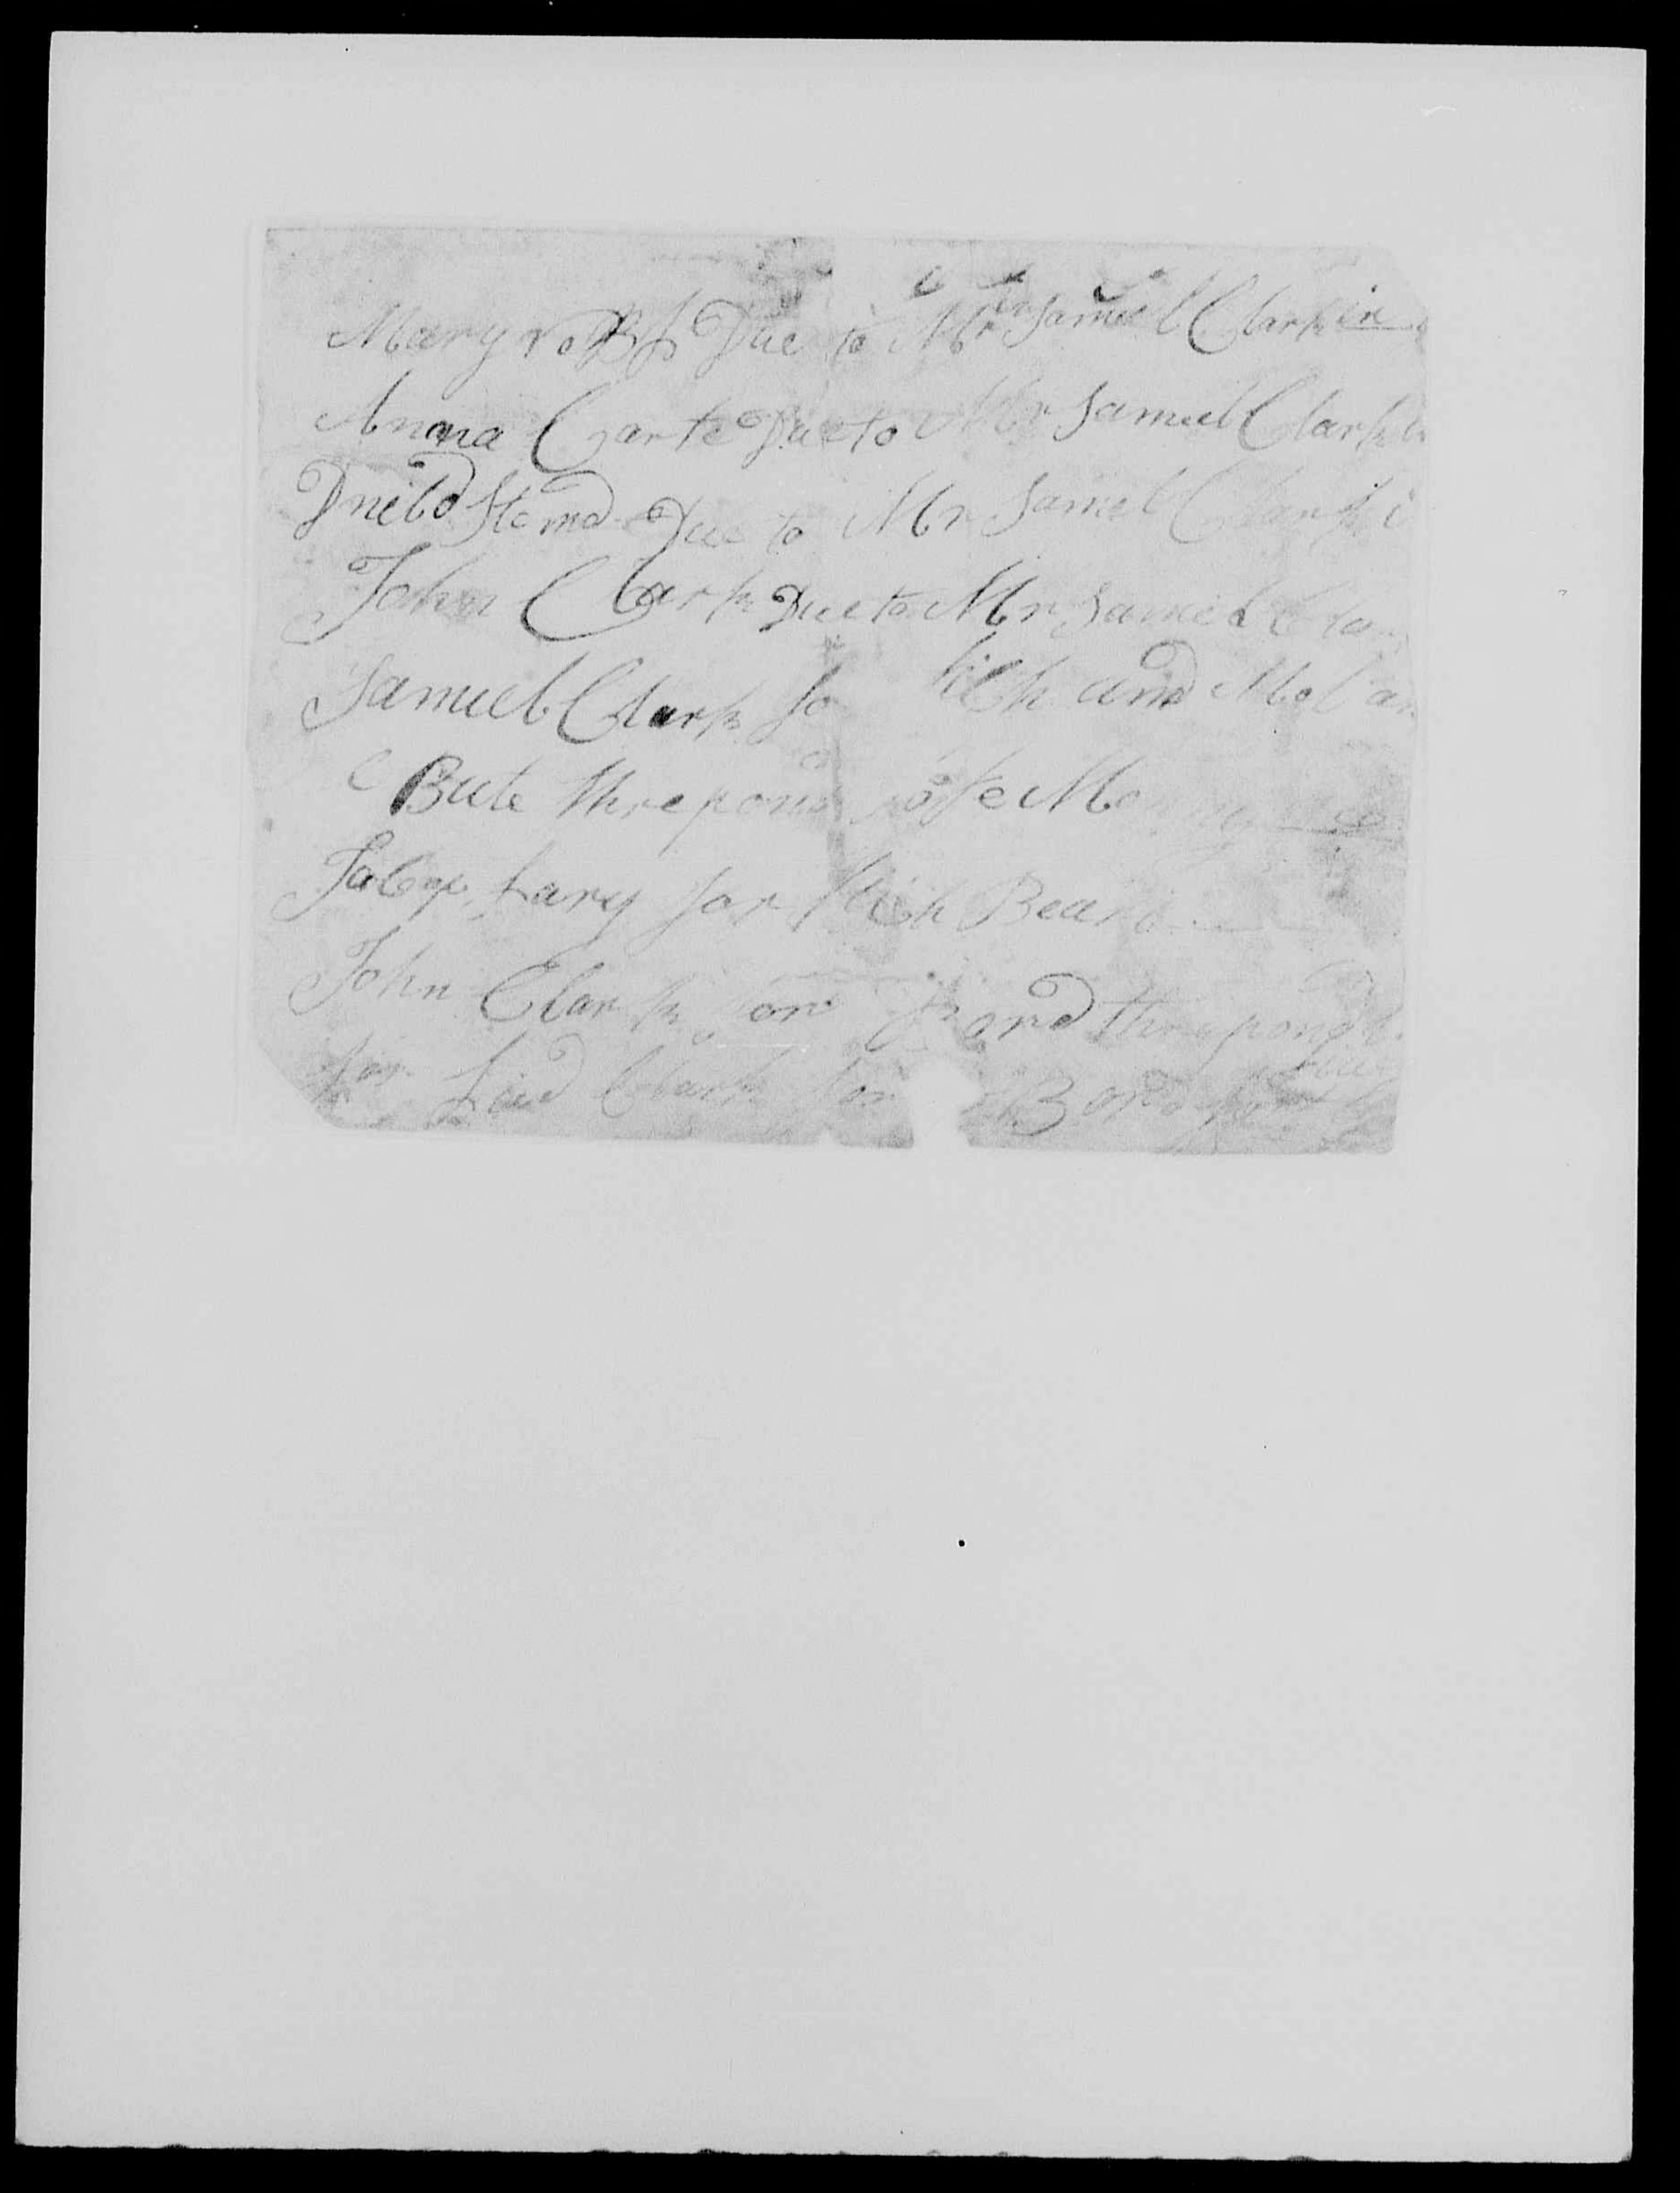Maryv o BJ Due to James Clarkin
Anara Carter due to Mr Samuel Clarkin
 Stend Dneldin fee to Mr James Clan
John Clark Due Mr James
Samuel Clark for [illegible] and Molan
[illegible] Bute thre pons [illegible] M [illegible]
Jabez Lary Jay Rich Beard
John Clarkin  on Bard thru pong [english?}
for Laid  Clark for Bond [illegible]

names: Dnibd, Clark, John Clark, Samiel Clark, Jacop Lary, Anna Cark, Bate Threpons, John Clark, Samiel Clark, Samiel Clark, Mary, Samel Clark, Samiel Clark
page: 11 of 14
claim: survivor's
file: S. 34696, Samuel Clark, Continental Mass.